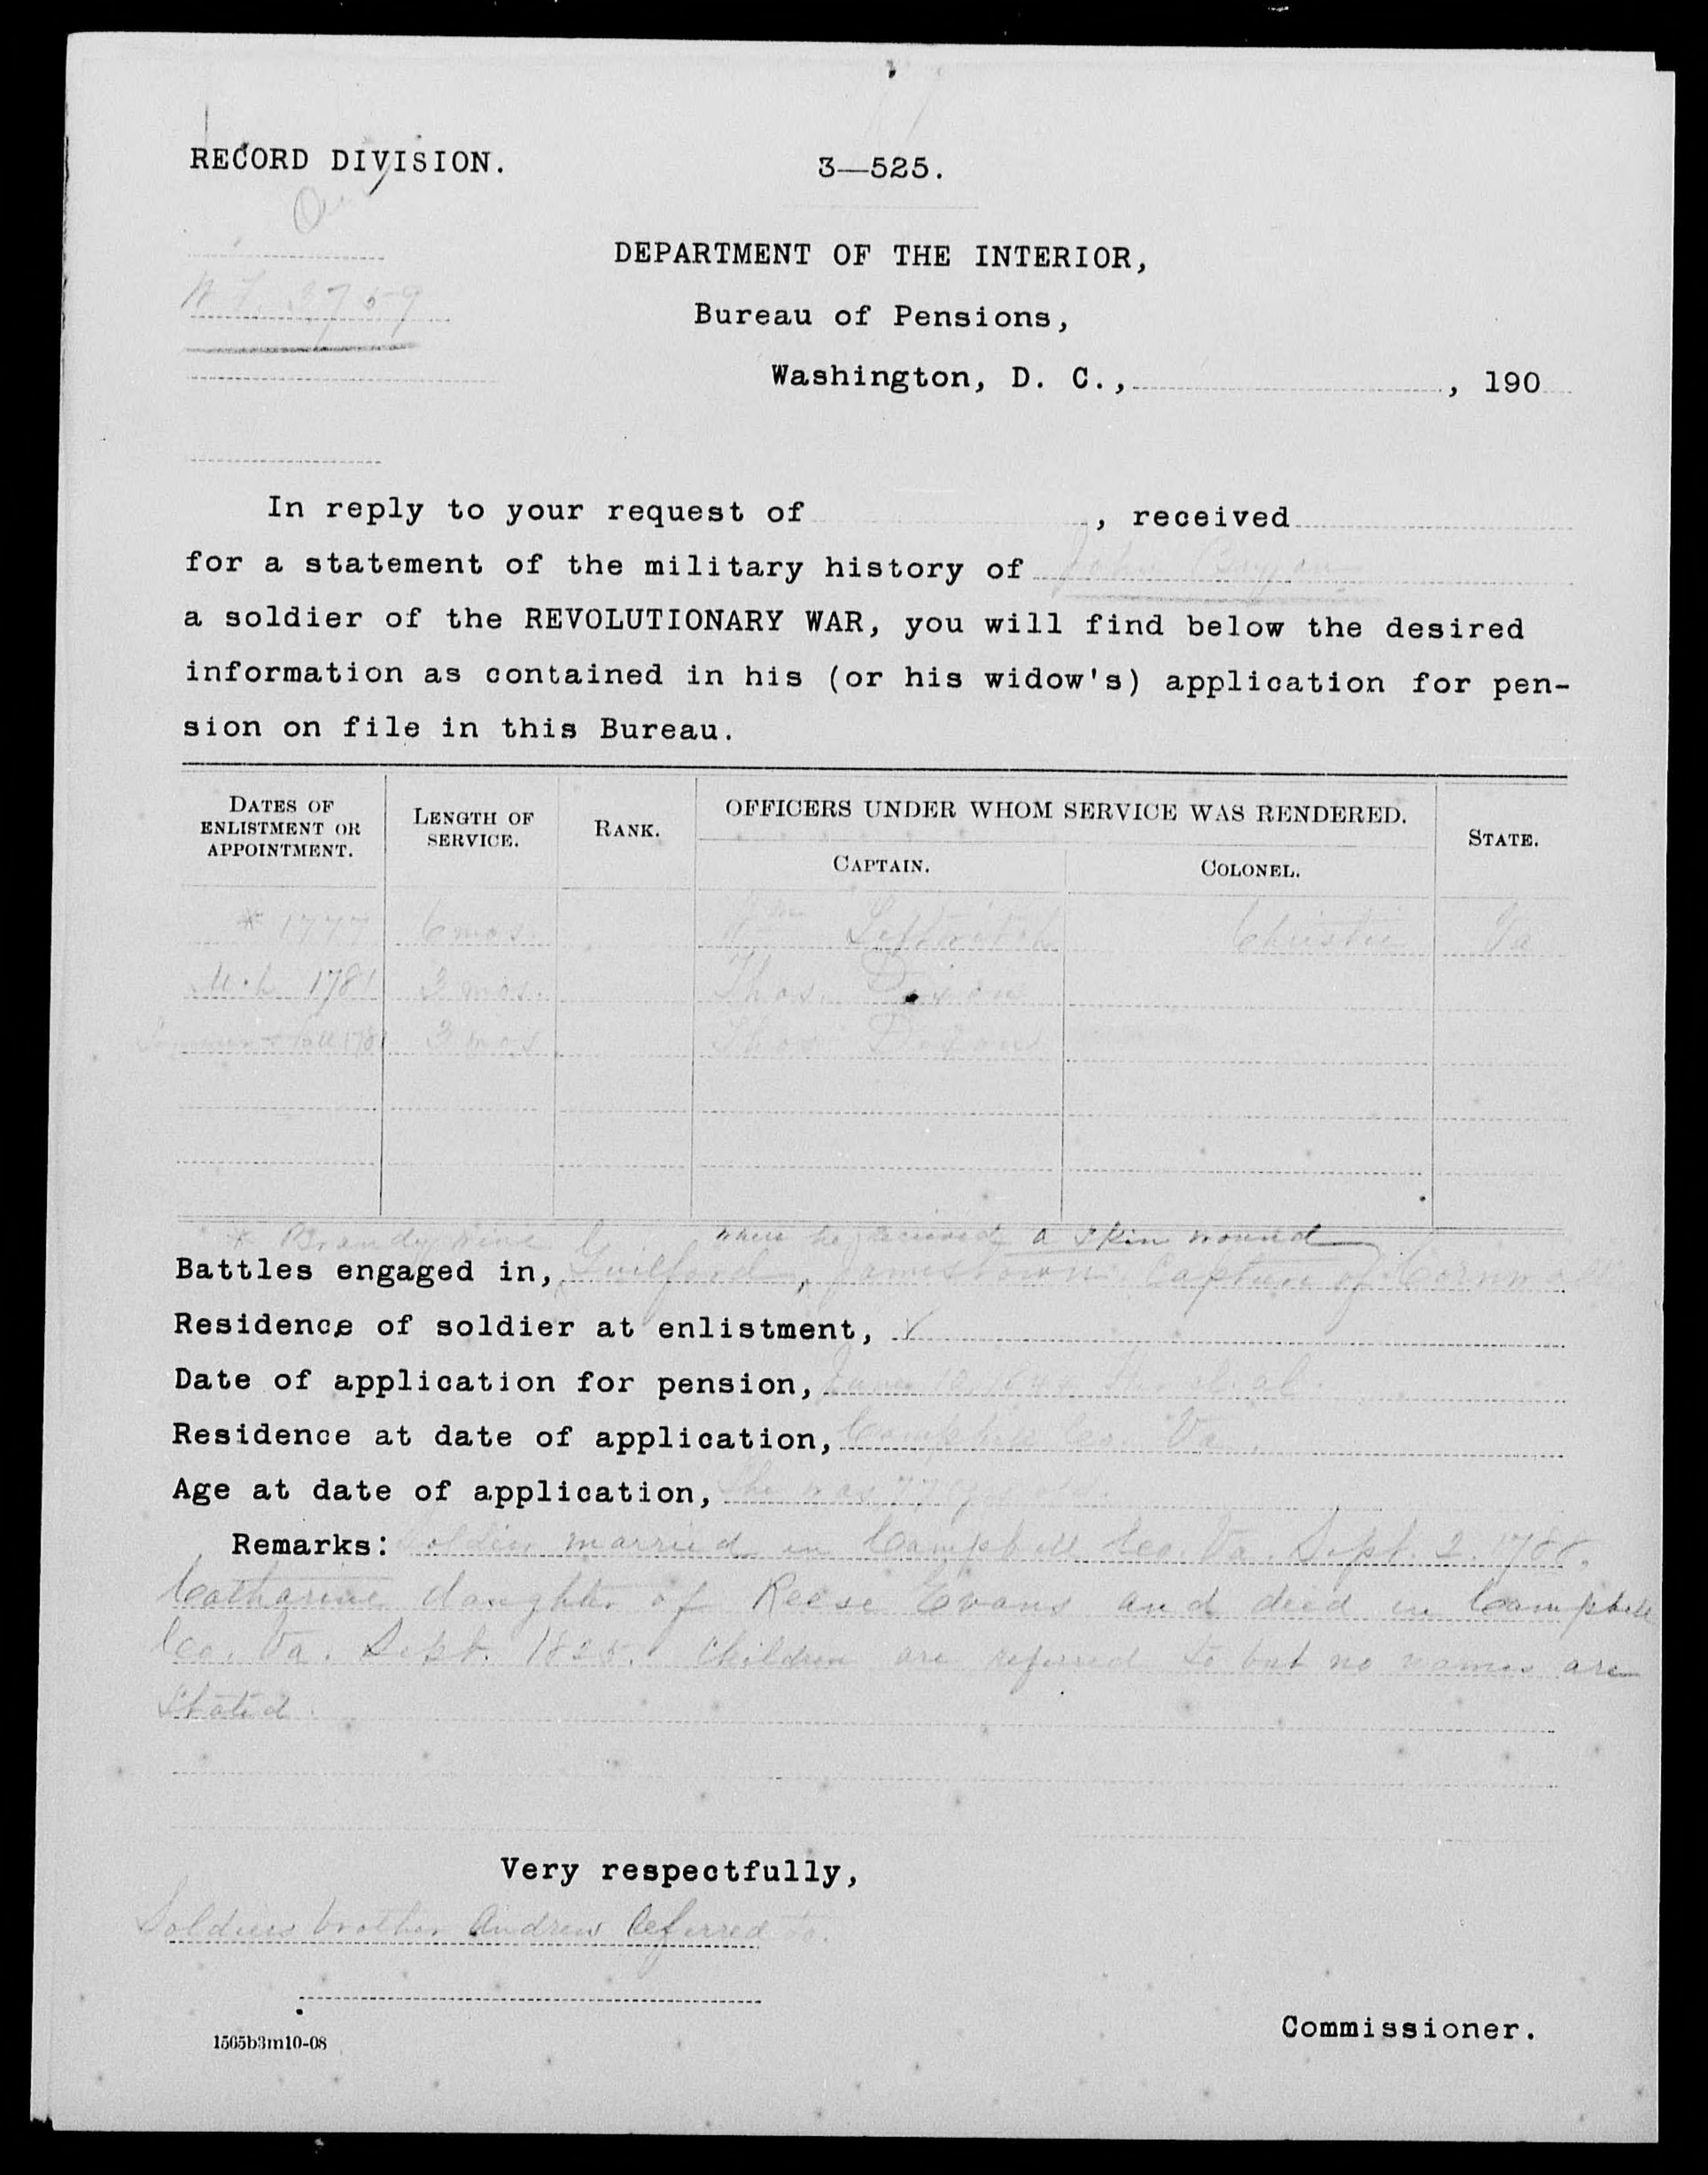RECORD DIVISION. 3-525.
0

DEPARTMENT OF THE INTERIOR,

n 7 3759 [underlined] Bureau of Pensions,

Washington, D.C., __________, 190 __

In reply to your request of __________, received __________ for a statement of the military history of John Bryan [underlined] a soldier of the REVOLUTIONARY WAR, you will find below the desired information as contained in his (or his widow's) application for pension on file in this Bureau.

| DATES OF ENLISTMENT OR APPOINTMENT. | LENGTH OF SERVICE. | RANK. |OFFICERS UNDER WHOM SERVICE WAS RENDERED. |  
| * 1777 | 6 mon. | Wm Leftwitch | Christie | Va | 
| Mch 1781 | 3 mon. | Thos Dixion | 
| September & fall 1781 | 3 mon. | Thos Dixion | 

*Brandywine where he received a pain wound
Battles engaged in, Guilford, Jamestown capture of Cornwallis

Residence of soldier at enlistment, Va

Date of application, June 10, 1843 [illegible] 

Residence at date of application, Campbell Co. Va

Age at date of application, she says 77 reported 

Remarks: Soldier married on Campbell Co. Va; Sept 2 1788, Catharine daughter of Reese Evans and died in Campbell Co. Va. December. 1825. Children are referred to but no names are stated. 

Very respectfully, 
Soldier brother andrew referred to 
_________________________. 

1505b3m10-08 Commissioner.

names: Thos Dixon, Wm Leftwitch, Andrew, Catharine, Reese Evans, Christie, Thos Dixon, John Bryan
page: 7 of 31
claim: widow's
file: W. 3759, John Bryan, Va.